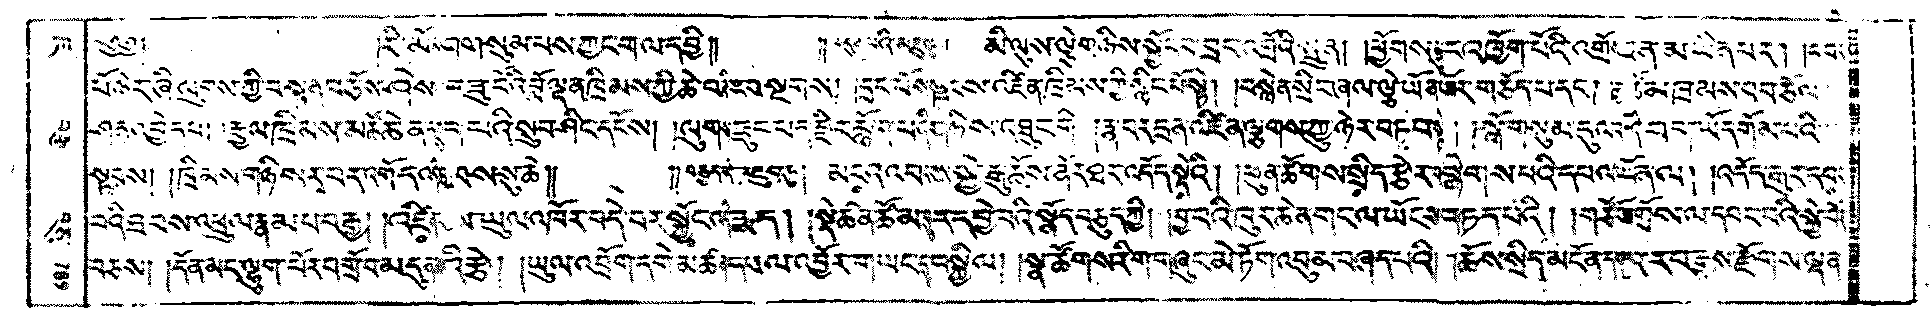༄༅། །རི་མོ་མིག་གསུམ་པས་ཀྱང་ག་ལ་དབྱི།། །། འདུན་པའི་མཇུག་ཏུ།  མི་ལུས་ལྕེ་གཉིས་སྐྱོང་བ་བྲང་འགྲོའི་སྤུན། །ཕྱོགས་ལྷུང་འཁྱོག་པོའི་འགྲོས་ཅན་མ་ཡིན་པར། །དབང་
པོ་ཉེར་ཞི་ལུགས་ཀྱི་བསྟན་བཅོས་ཤེས། །གཟུ་བོའི་བློ་ལྡན་ཁྲིམས་ཀྱི་ཆེ་བཞིར་བསྔགས། །དྲང་པོས་སྟངས་འཛིན་ཁྲིམས་ཀྱི་སྙིང་པོ་སྟེ། །བསྙེན་སྲིང་ཞལ་ལྕེ་ཡོན་པོར་གཅོད་པ་དང་། །གྱ་ཚོམ་ཁྲྨས་བབ་ཅོལ་
ཤན་འབྱེད་པ། །རྒྱལ་ཁྲིམས་མཚོ་ཆེན་དཀྲུག་པའི་སྲུབ་ཤིང་དངོས། །ལུགས་ཟུང་པད་རྫིང་རྙོག་པའི་གཉིས་འཐུང་གི །རྣ་བར་དྲན་འཛིན་ལྕགས་ཀྱུ་ཉེར་བཏབ་སྟེ། །སྒོ་གསུམ་དུལ་བའི་བག་ཡོད་གོམ་པའི་
སྟབས། །ཁྲིམས་གཉིས་རྭ་བར་འགོད་འདི་ཐབས་སུ་ཆེ།། །། བརྒྱད་པའི་མཇུག་ཏུ།  མངའ྾་འབངས་སྐྱེ་རྒུ་ཆོས་ནོར་ཐར་འདོད་སྡེའི྾། །ཕུན་ཚོགས་སྲིད྾་རྩེར་བསྙེགས་པའི་དཔལ་ཡོན་ལ། །འདོད་རྒུར་དབང྾་
བའི་ཐབས་འཕྲུལ་རྣམ་པ་བརྒྱ། །འཛིན྾་པས་ཡུལ་འཁོར་བདེ་བར་སྐྱོང྾་འདི་རྨད། །སྡེ་ཚན་ཚོམ་བུར་དབྱེ་བའི་སྣོད་བཅུད་ཀྱི། །བྱ་བའི་ཁུར་ཆེན་གང་ལ་ཡོངས་གཏད་པའི། །གཙོ་བོ་གྲོས་ལ་དབང་བའི་སྐྱེ་བོར་
བཅས། །དོན་མང་ལྷུག་པོར་བགྲོ་བ་མདུན་མའི་རྩེ། །ཡུལ་འབྲོག་དགེ་མཚན་དཔལ་འབྱོར་གཡང་དུ་བསྐྱིལ། །སྣ་ཚོགས་རིག་གཞུང་མེ་ཏོག་འབུམ་བཞད་པའི། །ཆོས་སྲིད་མངོན་དགའ་རབ་རྒྱས་རྫོགས་ལྡན་